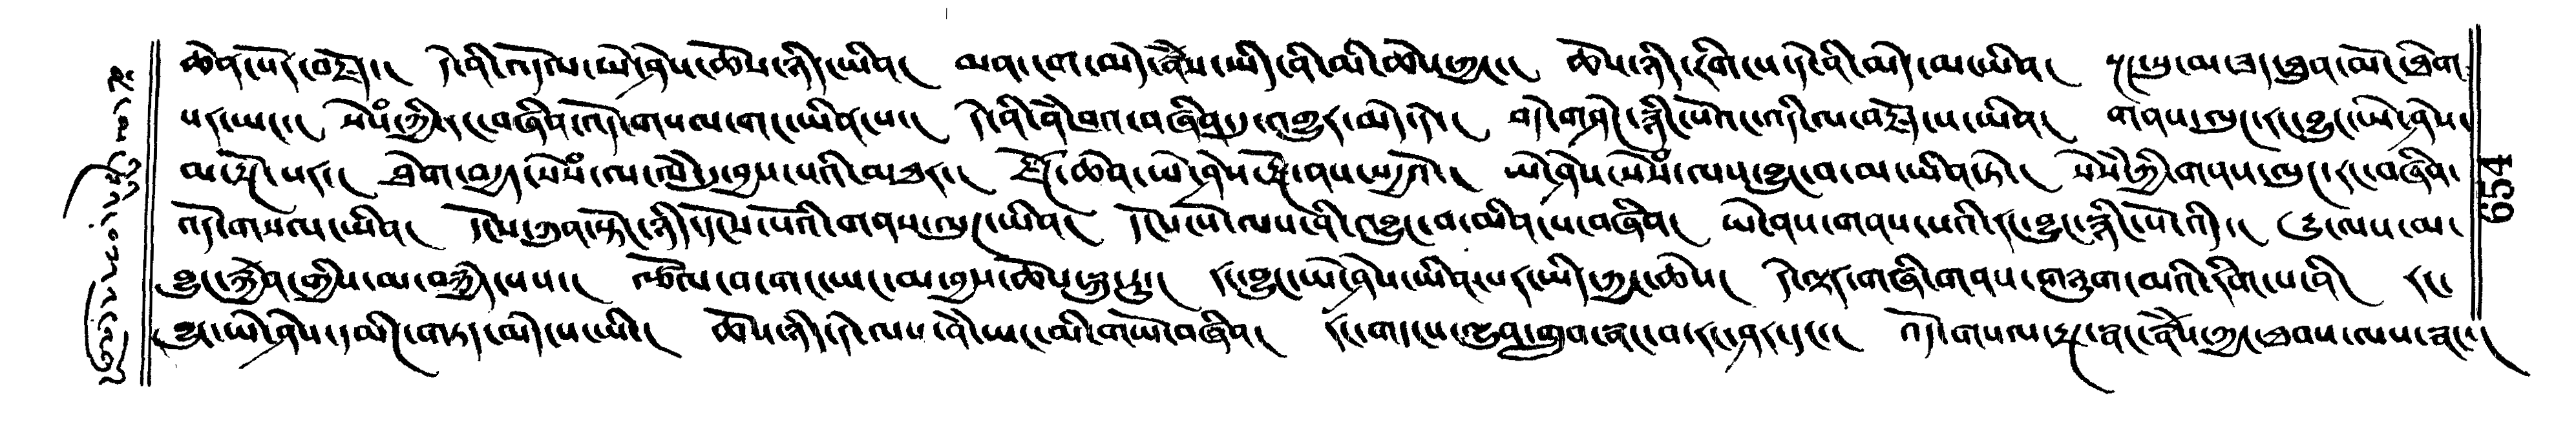ཆེན་པོར་བརྗོད། །དེ་ནི་འོད་གསལ་ཡེ་ཤེས་ཆོས་ཉིད་ཡིན། །མན་ངག་མེད་རྣམས་ཡིད་ནི་མི་ཆེས་ཀྱང་། །ཆོས་ཉིད་རིག་པ་དེ་ནི་མེད་མ་ཡིན། །སྔགས་སུ་མ་ཟད་ཐུན་མོང་ཐེག་
པར་ཡང་། །སེམས་ཀྱི་རང་བཞིན་འོད་གསལ་གང་ཡིན་པ། །དེ་ནི་ནམ་མཁའ་བཞིན་དུ་འགྱུར་མེད་དེ། །བདེ་གཤེགས་སྙིང་པོ་འདི་ལ་བརྗོད་པ་ཡིན། །གནས་ལུགས་རང་བྱུང་ཡེ་ཤེས་
མ་རྟོགས་པར། །ཐེག་བརྒྱད་སེམས་ལ་ལམ་དུ་བྱས་པའི་མཐར། །རྫོགས་ཆེན་ཡེ་ཤེས་རྟོགས་ནས་སངས་རྒྱའོ། །ཡེ་ཤེས་སེམས་ལས་བྱུང་བ་མ་ཡིན་ཏེ། །སེམས་ཀྱི་གནས་ལུགས་རང་བཞིན་
འོད་གསལ་ཡིན། །དངོས་ཀུན་སྟོང་ཉིད་དངོས་པོའི་གནས་ལུགས་ཡིན། །དངོས་པོ་ལས་ནི་འབྱུང་བ་མིན་པ་བཞིན། །ཡེ་ནས་གནས་པའི་རང་བྱུང་སྙིང་པོ་འདི། །རྒྱུ་ལས་མ་
བྱུང་རྐྱེན་གྱིས་མ་བསྐྱེད་པས། །རྩོལ་བ་གང་ཡང་མ་བྱས་ཆོས་སྐུ་རུ། །རང་བྱུང་ཡེ་ཤེས་ཡིན་པར་ཡིད་ཀྱང་ཆེས། །དེ་ལྟར་གཞི་གནས་གཉུག་མའི་རིག་པ་ནི། །རང་
བྱུང་ཡེ་ཤེས་དམིགས་གཏད་མེད་པ་ཡི། །ཆོས་ཉིད་དེ་ལས་ནམ་ཡང་མི་གཡོ་བཞིན། །རང་གདངས་ལྷུན་གྲུབ་སྣང་བ་རང་ཤར་དང་། །འོད་གསལ་རྟགས་སྣང་རྣམས་ཀྱང་ཐབས་ལས་སྣང་།